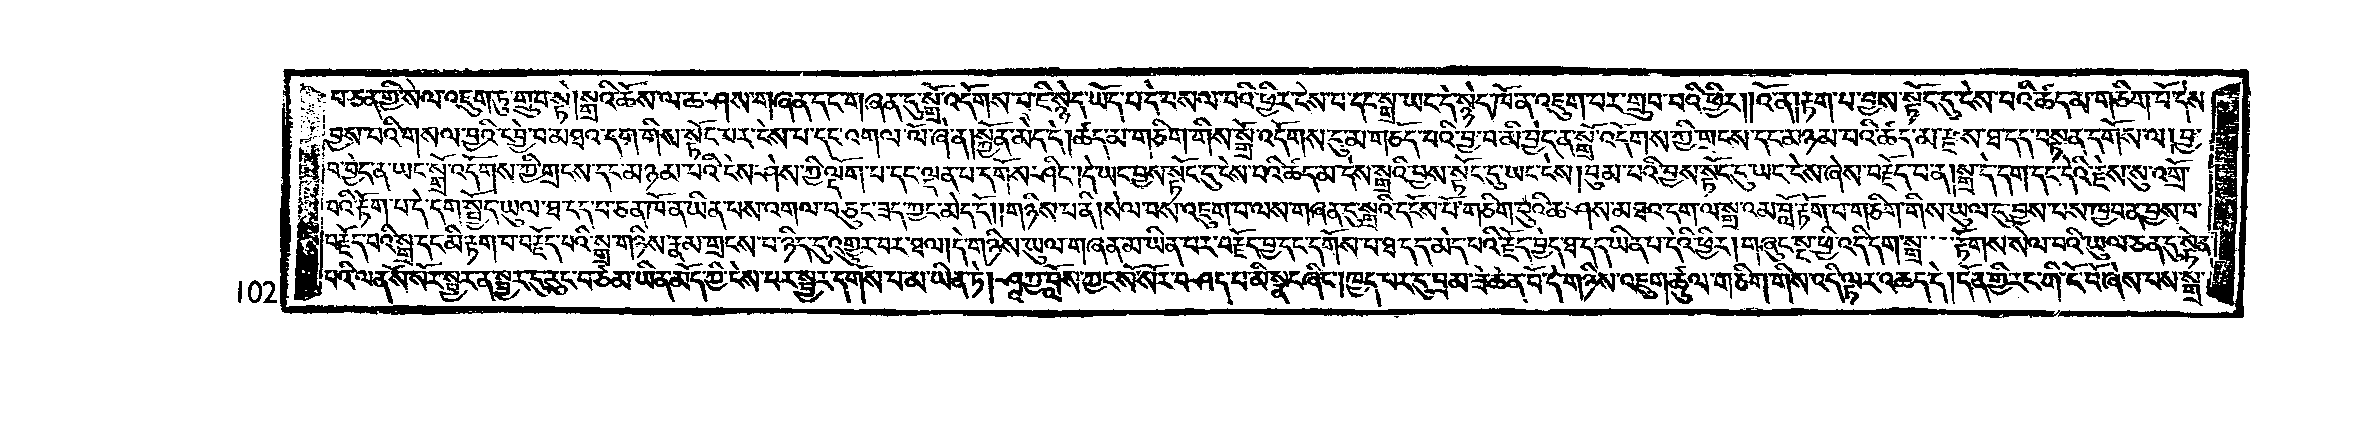པ་ཅན་གྱི་སེལ་འཇུག་ཏུ་གྲུབ་སྟེ། སྒྲའི་ཆོས་ལ་ཆ་ཤས་གཞན་དང་གཞན་དུ་སྒྲོ་འདོགས་པ་ཇི་སྙེད་ཡོད་པ་དེ་བསལ་བའི་ཕྱིར་ངེས་པ་དང་སྒྲ་ཡང་དེ་སྙེད་ཁོ་ན་འཇུག་པར་གྲུབ་པའི་ཕྱིར། །འོ་ན། རྟག་པ་བྱས་སྟོང་དུ་ངེས་པའི་ཚད་མ་གཅིག་པོ་དེས་
བྱས་པའི་གསལ་བྱའི་དབྱེ་བ་མཐའ་དག་གིས་སྟོང་པར་ངེས་པ་དང་འགལ་ལོ་ཞེ་ན། སྐྱོན་མེད་དེ། ?་ཚད་མ་གཅིག་གིས་སྒྲོ་འདིགས་?་དུ་མ་གཅོད་པའི་བྱ་བ་མི་བྱེད་ན་སྒྲོ་འདོགས་ཀྱི་གྲངས་དང་མཉམ་པའི་ཚད་མ་རྫས་ཐ་དད་བསྟན་དགོས་ལ། བྱ་
བ་བྱེད་ན་ཡང་སྒྲོ་འདོགས་ཀྱི་གྲངས་དང་མཉམ་པའི་ངེས་ཤེས་ཀྱི་ལྡོག་པ་དང་ལྡན་པ་དགོས་ཤིང་། དེ་ཡང་བྱས་སྟོང་དུ་ངེས་པའི་ཚད་མ་དེས་སྒྲའི་བྱས་སྟོང་དུ་ཡང་ངེས། བུམ་པའི་བྱས་སྟོང་དུ་ཡང་ངེས་ཞེས་བརྗོད་པ་ན། སྒྲ་དེ་དག་དང་དེའི་རྗེས་སུ་འགྲོ་
བའི་རྟོག་པ་དེ་དག་སྤྱོད་ཡུལ་ཐ་དད་པ་ཅན་ཁོ་ན་ཡིན་པས་འགལ་བ་ཅུང་ཟད་ཀྱང་མེད་དོ། །གཉིས་པ་ནི། སེལ་བས་འཇུག་པ་ལས་གཞན་དུ་སྒྲའི་དངོས་པོ་གཅིག་བུའི་ཆ་ཤས་མཐའ་དག་ལ་སྒྲ་འམ་བློ་རྟོག་པ་གཅིག་གིས་ཡུལ་དུ་བྱས་པས་ཁྱབ་ན་བྱས་པ་
བརྗོད་པའི་སྒྲ་དང་མི་རྟག་པ་བརྗོད་པའི་སྒྲ་གཉིས་རྣམ་གྲངས་པ་ཉིད་དུ་འགྱུར་བར་ཐལ། དེ་གཉིས་ཡུལ་གཞན་མ་ཡིན་པར་བརྗོད་བྱ་དང་དགོས་པ་ཐ་དད་མེད་པའི་རྗོད་བྱེད་ཐ་དད་ཡིན་པ་དེའི་ཕྱིར། གཞུང་སྔ་ཕྱི་འདི་དག་སྒྲ་རྟོགས་སེལ་བའི་ཡུལ་ཅན་དུ་སྟེན་
བའི་ལན་སོ་སོར་སྦྱར་ན་སྦྱར་དུ་རུང་བ་ཙམ་ཡིན་མོད་ཀྱི་ངེས་པར་སྦྱར་དགོས་པ་མ་ཡིན་ཏེ། ཤཱཀྱ་བློས་ཀྱང་སོ་སོར་བཤད་པ་མི་སྣང་ཞིང་། ཁྱད་པར་དུ་བྲམ་ཟེ་ཆེན་པོ་དེ་གཉིས་འཇུག་ཚུལ་གཅིག་གིས་འདི་ལྟར་འཆད་དེ། དོན་གྱི་རང་གི་ངོ་བོ་ཞེས་པས་སྒྲ་